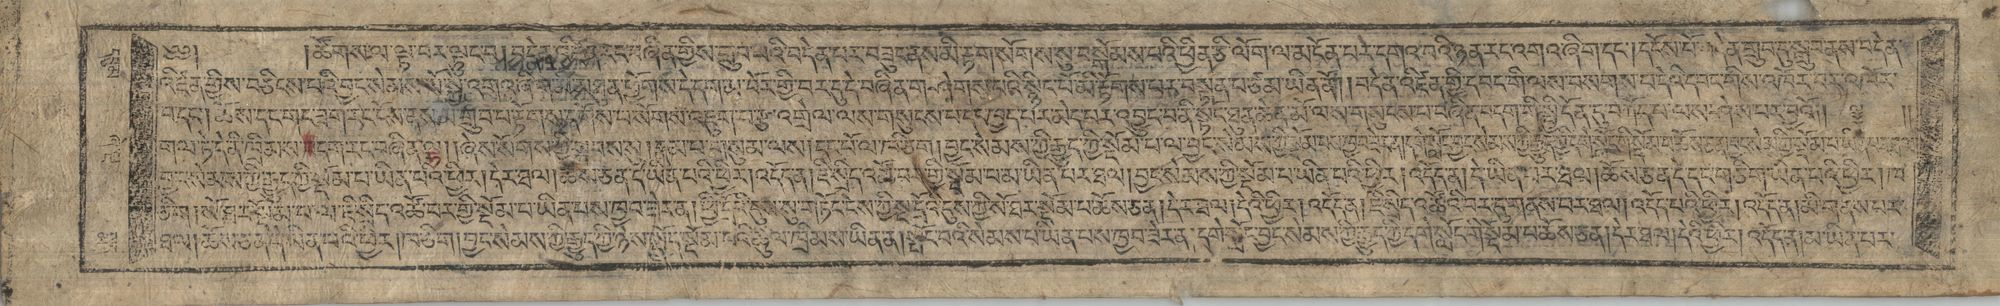༄༅། །ཚོགས་ལ་ལྟ་བར་ལྟུང་བ། བདེན་འཛིན་རང་བཞིན་གྱིས་གྲུབ་པའི་བདེན་པར་བཟུང་ནས་མི་རྟག་སོགས་སུ་བསྒོམས་པའི་ཕྱིན་ཅི་ལོག་ལ་མངོན་པར་དགའ་བའི་ཉན་རང་འགའ་ཞིག་དང་། དངོས་པོ་བདེན་གྲུབ་དུ་སྒྲུབ་ནས་བདེན་
འཛིན་གྱིས་བཅིངས་པའི་བྱང་སེམས་སོ་སྐྱེ་འགའ་ཞིག་མི་མཐུན་ཕྱོགས་དེ་དག་མ་བོར་གྱི་བར་དུ་དེ་བཞིན་གཤེགས་པའི་སྙིང་པོ་མི་རྟོགས་པར་བསྟན་པ་ཙམ་ཡིན་ནོ། །བདེན་འཛིན་གྱི་དབང་གི་ལས་བསགས་པ་དེའི་དབང་གིས་འཁོར་བར་འཁོར་
བ་དང་། ཆོས་དང་གང་ཟག་རང་ངོས་ནས་མ་གྲུབ་པ་རྟོགས་དགོས་པ་སོགས་འཇུག་པ་རྩ་འགྲེལ་ལས་གསུངས་པ་དང་ཁྱད་པར་མེད་པར་འབྱུང་བ་ནི་སྟོང་ཐུན་ཆེན་མོ་ལས་གསུངས་པ་བཞིན་བདག་གི་སྤྱི་དོན་དུ་བཀོད་པ་ལས་ཤེས་པར་བྱའོ།། ༈ །།
གལ་ཏེ་དེ་ནི་ཁྲིམས་དག་རང་བཞིན་ལྟ། །ཞེས་སོགས་ཀྱི་སྐབས་སུ། རྣམ་པ་གསུམ་ལས། དང་པོ་ལ་ཁ་ཅིག །བྱང་སེམས་ཀྱི་རྒྱུད་ཀྱི་སྡོམ་པ་ལ་བྱང་སེམས་ཀྱི་སྡོམ་པས་ཁྱབ་ཟེར་ན། དགེ་སློང་བྱང་སེམས་ཀྱི་རྒྱུད་ཀྱི་དགེ་སློང་གི་སྡོམ་པ་ཆོས་ཅན། བྱང་སེམས་ཀྱི་སྡོམ་པ་ཡིན་པར་ཐལ།
བྱང་སེམས་ཀྱི་རྒྱུད་ཀྱི་སྡོམ་པ་ཡིན་པའི་ཕྱིར། དེར་ཐལ། ཆོས་ཅན་དེ་ཡིན་པའི་ཕྱིར། འདོད་ན། ཇི་སྲིད་འཚོ་བར་གྱི་སྡོམ་པ་མ་ཡིན་པར་ཐལ། བྱང་སེམས་ཀྱི་སྡོམ་པ་ཡིན་པའི་ཕྱིར། འདོད་ན། དེ་ཡིན་པར་ཐལ། ཆོས་ཅན་དེ་དང་གཅིག་ཡིན་པའི་ཕྱིར། ཁ་
ཅིག །སོ་ཐར་སྡོམ་པ་ལ་ཇི་སྲིད་འཚོ་བར་གྱི་སྡོམ་པ་ཡིན་པས་ཁྱབ་ཟེར་ན། ཕྱི་དྲོའིདུས་སུ་གཏོང་ངེས་ཀྱི་སྔ་དྲོའི་དུས་ཀྱི་སོ་ཐར་སྡོམ་པ་ཆོས་ཅན། དེར་ཐལ། དེའི་ཕྱིར། འདོད་ན། ཇི་སྲིད་འཚོའི་བར་དུ་གནས་པར་ཐལ། འདོད་པའི་ཕྱིར། འདོད་ན། མི་གནས་པར་
ཐལ། ཆོས་ཅན་དེ་ཡིན་པའི་ཕྱིར། ཁ་ཅིག །བྱང་སེམས་ཀྱི་རྒྱུད་ཀྱི་ཉེས་སྤྱོད་སྡོམ་པའི་ཚུལ་ཁྲིམས་ཡིན་ན། སྤོང་བའི་སེམས་པ་ཡིན་པས་ཁྱབ་ཟེར་ན། དགེ་སློང་བྱང་སེམས་ཀྱི་རྒྱུད་ཀྱི་དགེ་སློང་གི་སྡོམ་པ་ཆོས་ཅན། དེར་ཐལ། དེའི་ཕྱིར། འདོད་ན། མ་ཡིན་པར་